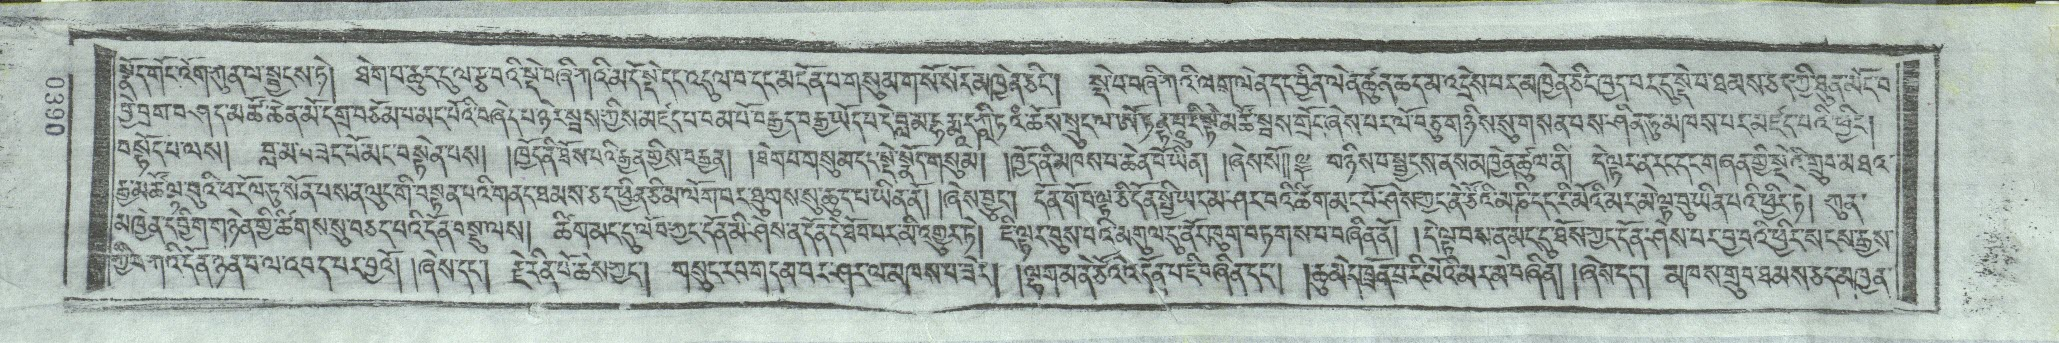སྣོད་གོང་འོག་ཀུན་ལ་སྦྱངས་ཏེ། ཐེག་པ་ཆུང་དུ་ལ་རྩ་བའི་སྡེ་བཞི་ཀའི་མདོ་སྡེ་དང་འདུལ་བ་དང་མངོན་པ་གསུམ་ག་སོ་སོར་མཁྱེན་ཅིང་། སྡེ་པ་བཞི་ཀའི་ལག་ལེན་དང་བྱིན་ལེན་ཚུན་ཆད་མ་འདྲེས་པར་མཁྱེན་ཅིང་ཁྱད་པར་དུ་སྡེ་པ་ཐམས་ཅད་ཀྱི་ཐུན་མོང་བ་
བྱེ་བྲག་བཤད་མཚོ་ཆེན་མོ་དགྲ་བཅོམ་པ་མང་པོའི་བཞེད་པ་ཉེར་སྦས་ཀྱིས་མཛད་པ་བམ་པོ་བརྒྱད་བརྒྱ་ཡོད་པ་དེ་བླ་མ་དྷརྨཱ་རཀྵི་ཏའཾ་ཆོས་སྲུང་ལ་ཨོ་ཏནྟ་པཱུ་རི་སྟེ་མཚོ་སྦས་གྲོང་ཞེས་པར་ལོ་བཅུ་གཉིས་སུ་གསན་པས་ཤིན་ཏུ་མཁས་པར་མཛད་པའི་ཕྱིར།
བསྟོད་པ་ལས། བླ་མ་བཟང་པོ་མང་བསྟེན་པས། །ཁྱོད་ནི་ཐོས་པའི་རྒྱན་གྱིས་བརྒྱན། །ཐེག་པ་གསུམ་དང་སྡེ་སྣོད་གསུམ། །ཁྱོད་ནི་མཁས་པ་ཆེན་པོ་ཡིན། །ཞེས་སོ།། ༈ གཉིས་པ་སྦྱངས་ནས་མཁྱེན་ཚུལ་ནི། དེ་ལྟར་ན་རང་དང་གཞན་གྱི་སྡེའི་གྲུབ་མཐའ་
རྒྱ་མཚོ་ལྟ་བུའི་ཕ་རོལ་ཏུ་སོན་པས་ན་ལུང་གི་བསྟན་པའི་གནད་ཐམས་ཅད་ཕྱིན་ཅི་མ་ལོག་པར་ཐུགས་སུ་ཆུད་པ་ཡིན་ནོ། །ཞེས་བྱུང་། དོན་གོ་བ་ལྟ་ཅི་དོན་སྤྱི་ཡང་མ་ཤར་པའི་ཚིག་མང་པོ་ཤེས་ཀྱང་ནེ་ཙོའི་མ་ཎི་དང་རི་མོའི་མར་མེ་ལྟ་བུ་ཡིན་པའི་ཕྱིར་ཏེ། ཀུན་
མཁྱེན་དབྱིག་གཉེན་གྱི་ཚིགས་སུ་བཅད་པའི་དོན་བསྡུ་ལས། ཚིག་མང་དུ་ལོབ་ཀྱང་དོན་མི་ཤེས་ན་དོན་དེ་ཐོབ་པར་མི་འགྱུར་ཏེ། ཇི་ལྟར་བུས་པའི་མགུལ་དུ་ནོར་ཁུག་བཏགས་པ་བཞིན་ནོ། །དེ་ལྟ་བས་ན་མང་དུ་ཐོས་ཀྱང་དོན་ཤེས་པར་བྱ་བའི་ཕྱིར་སངས་རྒྱས་
ཀྱི་བཀའི་དོན་ཉན་པ་ལ་འབད་པར་བྱའོ། །ཞེས་དང་། རྗེ་རིན་པོ་ཆེས་ཀྱང་། གསུང་རབ་གདམ་པར་ཤར་ལ་མཁས་པ་ཟེར། །ལྷག་མ་ནེ་ཙོའི་འདོན་པ་ཇི་བཞིན་དང་། །ཆུ་མེད་ཁྲོན་པ་རི་མོའི་མར་མེ་བཞིན། །ཞེས་དང་། མཁས་གྲུབ་ཐམས་ཅད་མཁྱན་